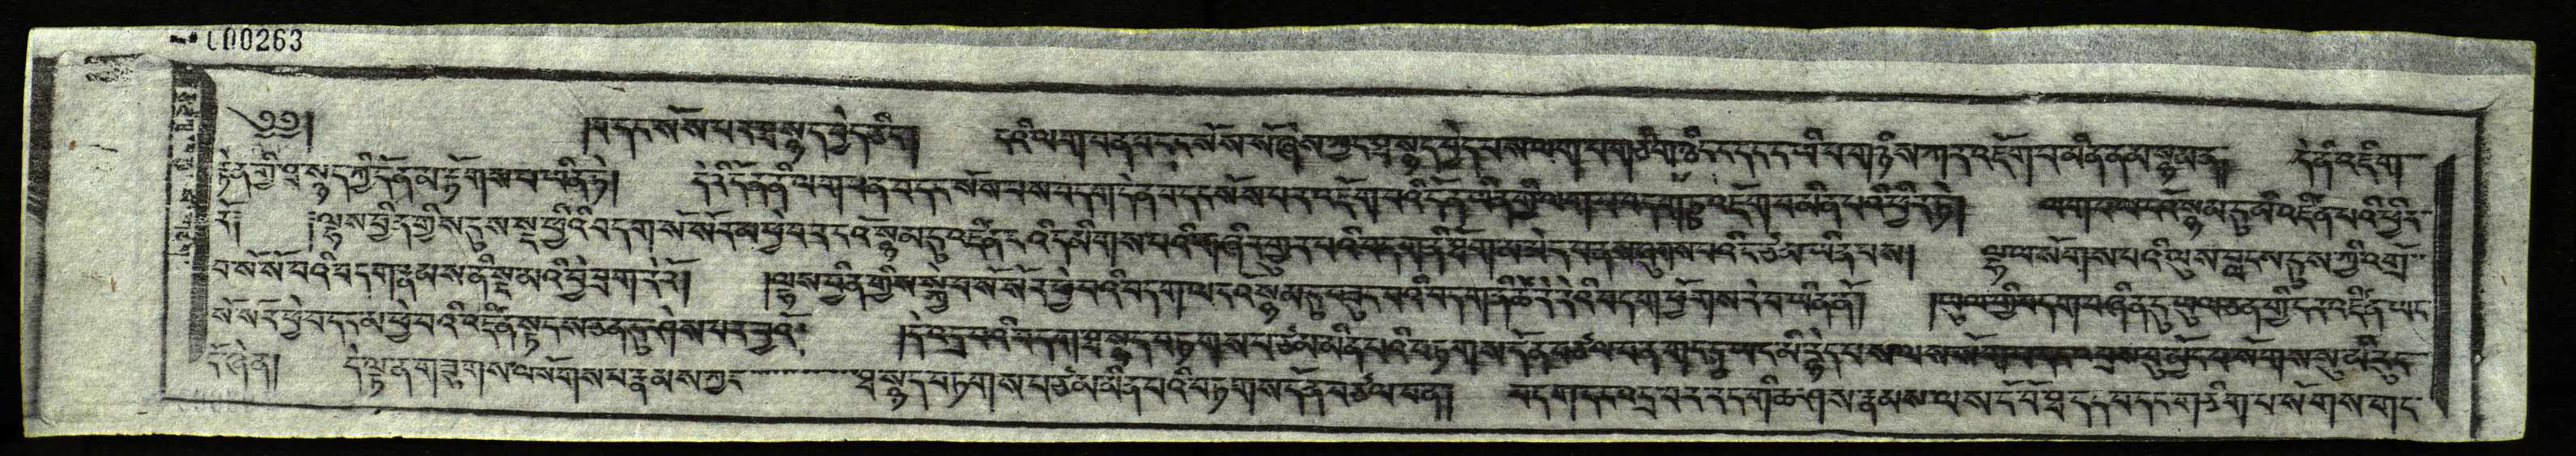༄༅། །བ་དང་སོས་པར་ཐ་སྙད་བྱེད་ཅིང་། ངའི་ལག་པ་ན་བ་དང་སོས་སོ་ཞེས་ཀྱང་ཐ་སྙད་བྱེད་པས་ལག་པ་གཅིག་ཉིད་ང་དང་ང་ཡིས་གཉིས་ཀར་འཇོག་པ་མིན་ནམ་སྙམ་ན། དེ་ནི་འཇིག་
རྟེན་གྱི་ཐ་སྙད་ཀྱི་དོན་མ་རྟོགས་པ་ཡིན་ཏེ། དེའི་དོན་ནི་ལག་པ་ན་བ་དང་སོས་པས་བདག་དེ་ན་བ་དང་སོས་པར་འཇོག་པའི་དོན་ཡིན་གྱི་ལག་པ་བདག་ཏུ་འཇོག་པ་མིན་པའི་ཕྱིར་ཏེ། ལག་པ་ལ་ངའོ་སྙམ་དུ་མི་འཛིན་པའི་ཕྱིར་
རོ༑ ༑ལྷས་བྱིན་གྱིས་དུས་སྔ་ཕྱིའི་བདག་སོ་སོར་མ་ཕྱེ་བར་ངའོ་སྙམ་དུ་འཛིན་པའི་དམིགས་པའི་གཞིར་གྱུར་པའི་བདག་ནི་ཐོག་མ་མེད་པ་ནས་ཞུགས་པའི་ང་ཙམ་ཡིན་པས། ལྷ་ལ་སོགས་པའི་ལུས་བླངས་དུས་ཀྱི་འགྲོ་
བ་སོ་སོ་བའི་བདག་རྣམས་ནི་སྔ་མའི་བྱེ་བྲག་རེའོ། །ལྷས་བྱིན་གྱིས་སྐྱེ་བ་སོ་སོར་ཕྱེ་བའི་བདག་ལ་ངའོ་སྙམ་དུ་བཟུང་བའི་བདག་ནི་ཚེ་རེ་རེའི་བདག་ཕྱོགས་རེ་བ་ཡིན་ནོ། །ཡུལ་གྱི་བདག་བཞིན་དུ་ཡུལ་ཅན་གྱི་ངར་འཛིན་ཡང་
སོ་སོར་ཕྱེ་བ་དང་མ་ཕྱེ་བའི་འཛིན་སྟངས་ཅན་དུ་ཤེས་པར་བྱའོ། །དེ་འདྲ་བའི་བདག་ཐ་སྙད་བཏགས་པ་ཙམ་མིན་པའི་བཏགས་དོན་བཙལ་བ་ན་གང་དུ་ཡང་མི་རྙེད་པས་ལས་སོགས་གང་འབྲས་བུ་མྱོང་བ་སོགས་སུ་མི་རུང་
ངོ་ཞེ་ན། དེ་ལྟ་ན་གཟུགས་ལ་སོགས་པ་རྣམས་ཀྱང་ཐ་སྙད་བཏགས་པ་ཙམ་མིན་པའི་བཏགས་དོན་བཙལ་བ་ན། བདག་དང་འདྲ་བར་རང་གི་ཆ་ཤས་རྣམས་ལས་ངོ་བོ་ཐ་དད་བ་དང་གཅིག་པ་སོགས་གང་